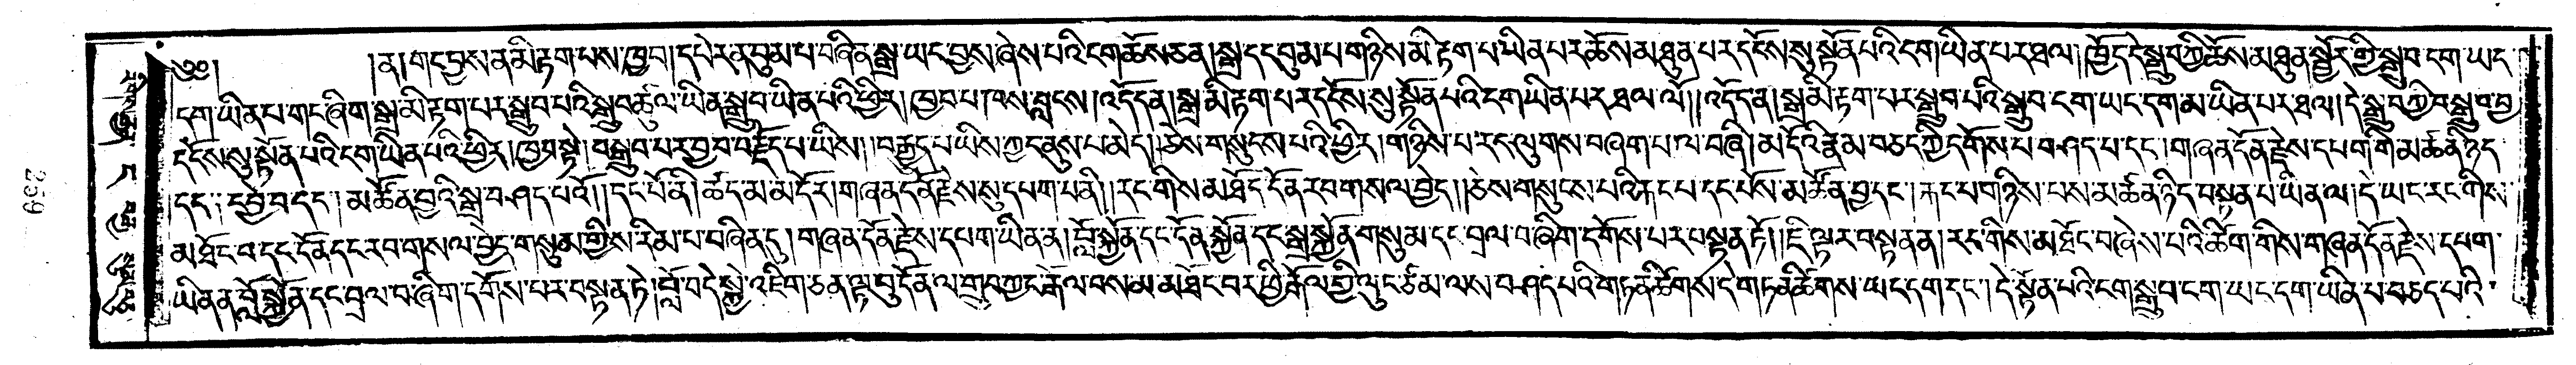༄༅། །ན༑ གང་བྱས་ན་མི་རྟག་པས་ཁྱབ། དཔེར་ན་བུམ་པ་བཞིན་སྒྲ་ཡང་བྱས་ཞེས་པའི་ངག་ཆོས་ཅན། སྒྲ་དང་བུམ་པ་གཉིས་མི་རྟག་པ་ཡིན་པར་ཆོས་མཐུན་པར་དངོས་སུ་སྟོན་པའི་ངག་ཡིན་པར་ཐལ། ཁྱོད་དེ་སྒྲུབ་ཀྱི་ཆོས་མཐུན་སྦྱོར་གྱི་སྒྲུབ་ངག་ཡང་
དག་ཡིན་པ་གང་ཞིག་སྒྲ་མི་རྟག་པར་སྒྲུབ་པའི་སྒྲུབ་ཚུལ་ཡིན་སྒྲུབ་ཡིན་པའི་ཕྱིར། ཁྱབ་པ་ཁས་བླངས། འདོད་ན། སྒྲ་མི་རྟག་པར་དངོས་སུ་སྟོན་པའི་ངག་ཡིན་པར་ཐལ་ལོ། །འདོད་ན། སྒྲ་མི་རྟག་པར་སྒྲུབ་པའི་སྒྲུབ་ངག་ཡང་དག་མ་ཡིན་པར་ཐལ། དེ་སྒྲུབ་ཀྱི་བསྒྲུབ་བྱ་
དངོས་སུ་སྟོན་པའི་ངག་ཡིན་པའི་ཕྱིར། ཁྱབ་སྟེ། བསྒྲུབ་པར་བྱ་བ་བརྗོད་པ་ཡིས། །བརྒྱུད་པ་ཡིས་ཀྱང་ནུས་པ་མེད། །ཅེས་གསུངས་པའི་ཕྱིར། གཉིས་པ་རང་ལུགས་བཞག་པ་ལ་བཞི། མདོའི་རྣམ་བཅད་ཀྱི་དགོས་པ་བཤད་པ་དང་། གཞན་དོན་རྗེས་དཔག་གི་མཚན་ཉིད་
དང༑ དབྱེ་བ་དང་། མཚོན་བྱའི་སྒྲ་བཤད་པའོ། །དང་པོ་ནི། ཚད་མ་མདོར། གཞན་དོན་རྗེས་སུ་དཔག་པ་ནི། །རང་གིས་མཐོང་དོན་རབ་གསལ་བྱེད། །ཅེས་གསུངས་པའི་རྐང་པ་དང་པོས་མཚོན་བྱ་དང་། རྐང་པ་གཉིས་པས་མཚན་ཉིད་བསྟན་པ་ཡིན་ལ། དེ་ཡང་རང་གིས་
མཐོང་བ་དང་དོན་དང་རབ་གསལ་བྱེད་གསུམ་གྱིས་རིམ་པ་བཞིན་དུ། གཞན་དོན་རྗེས་དཔག་ཡིན་ན། བློ་སྐྱོན་དང་དོན་སྐྱོན་དང་སྒྲ་སྐྱོན་གསུམ་དང་བྲལ་བ་ཞིག་དགོས་པར་བསྟན་ཏོ། །ཇི་ལྟར་བསྟན་ན། རང་གིས་མཐོང་བ་ཞེས་པའི་ཚིག་གིས་གཞན་དོན་རྗེས་དཔག་
ཡིན་ན་བློ་སྐྱོན་དང་བྲལ་བ་ཞིག་དགོས་པར་བསྟན་ཏེ། བློ་བདེ་སྐྱེ་འཇིག་ཅན་ལྟ་བུ་དོན་ལ་གྲུབ་ཀྱང་རྒོལ་བས་མ་མཐོང་བར་ཕྱི་རྒོལ་གྱི་ལུང་ཙམ་ལས་བཤད་པའི་གཏན་ཚིགས་དེ་གཏན་ཚིགས་ཡང་དག་དང་། དེ་སྟོན་པའི་ངག་སྒྲུབ་ངག་ཡང་དག་ཡིན་པ་བཅད་པའི་